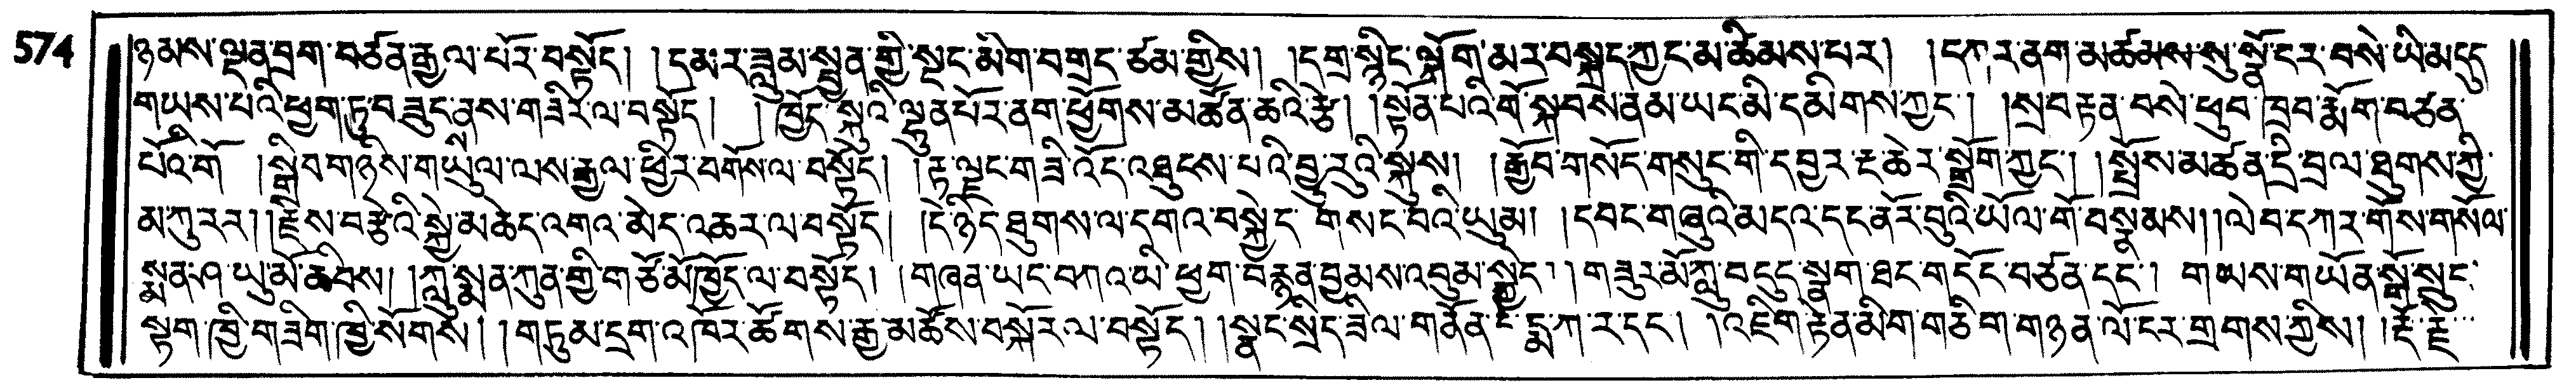ཉམས་ལྡན་བྲག་བཙན་རྒྱལ་པོར་བསྟོད། །དམར་ཟླུམ་སྤྱན་གྱི་སྡང་མིག་བགྲད་ཙམ་གྱིས། །དགྲ་སྙིང་ལྐོག་མར་བསྐྲད་ཀྱང་མ་ཚིམས་པར། །དཀར་ནག་མཚམས་སུ་སྣོ་ངར་བསེ་ཡི་མདུད་
གཡས་པའི་ཕྱག་ཏུ་བཟུང་ནས་གཟིར་ལ་བསྟོད། །ཁྱོད་སྐུའི་ལྷུན་པོར་ནག་ཕྱོགས་མཚོན་ཆའི་རྩེ། །སྟོན་པའི་གོ་སྐབས་ནམ་ཡང་མི་དམིགས་ཀྱང་། །སྲ་བརྟན་བསེ་ཕུབ་ཁྲབ་རྨོག་བཙན་
པོའི་གོ །སྒྲིབ་གཉིས་གཡུལ་ལས་རྒྱལ་ཕྱིར་བགོས་ལ་བསྟོད། །རྟ་ལྗང་གཟི་འོད་འཐུངས་པའི་བྱུ་རུའི་སྐུས། །རྒྱོབ་གསོད་གསུང་གི་དབྱར་རྔ་ཆེར་སྒྲོག་ཀྱང་། །སྤྲོས་མཚན་དྲི་བྲལ་ཐུགས་ཀྱི་
མ་ཀུ་རར། །རྗེས་བརྩེའི་སྐྱེ་མཆེད་འགའ་མེད་འཆར་ལ་བསྟོད། །དེ་ཉིད་ཐུགས་ལ་དགའ་བསྐྱེད་གསང་བའི་ཡུམ། །དབང་གཞུའི་མདའ་དང་ནོར་བུའི་ཡོལ་གོ་བསྣམས། །ལེབ་དཀར་གོས་གསོལ་
སྨན་ཤ་ཡུ་མོ་ཆིབས། །ཀླུ་སྨན་ཀུན་གྱི་གཙོ་མོ་ཁྱོད་ལ་བསྟོད། །གཞན་ཡང་བཀའ་ཡི་ཕྱག་བརྙན་བྱམས་འབུམ་སྐྱེད། །གཟུར་མོ་ཀླུ་བདུད་སྣག་ཐང་གདོང་བཙན་དང་། གཡས་གཡོན་སྒྲོ་སྲུང་
སྟག་ཁྱི་གཟིག་ཁྱི་སོགས། །གཏུམ་དྲག་འཁོར་ཚོགས་རྒྱ་མཚོས་བསྐོར་ལ་བསྟོད། །སྣང་སྲིད་ཟིལ་གནོན་པདམ་ཀ་ར་དང་། །འཇིག་རྟེན་མིག་གཅིག་གཉན་ལོ་ངར་གྲགས་ཀྱིས། །རྡོ་རྗེ་་་